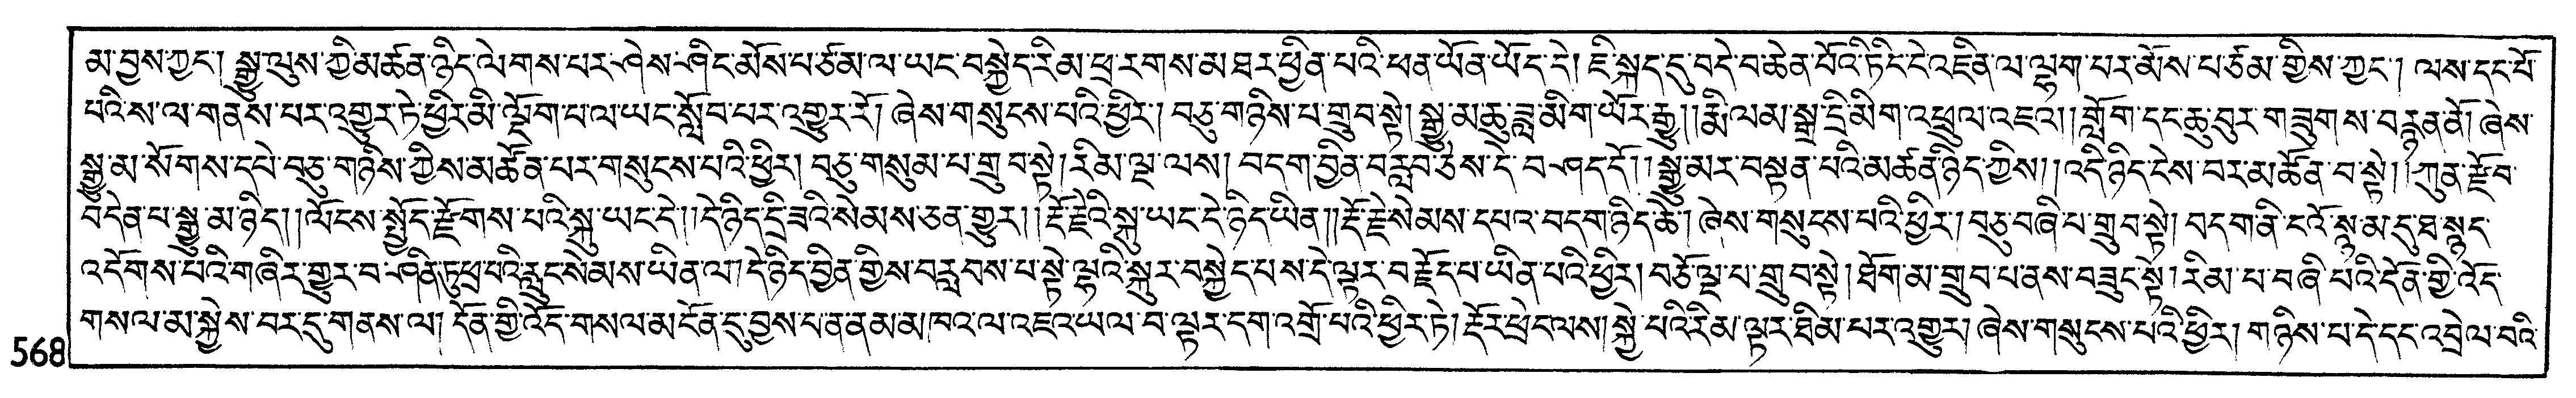མ་བྱས་ཀྱང་། སྒྱུ་ལུས་ཀྱི་མཚན་ཉིད་ལེགས་པར་ཤེས་ཤིང་མོས་པ་ཙམ་ལ་ཡང་བསྐྱེད་རིམ་ཕྲ་རགས་མཐར་ཕྱིན་པའི་ཕན་ཡོན་ཡོད་དེ། ཇི་སྐད་དུ་བདེ་བ་ཆེན་པོའི་ཏིང་ངེ་འཛིན་ལ་ལྷག་པར་མོས་པ་ཙམ་གྱིས་ཀྱང་། ལས་དང་པོ་
པའི་ས་ལ་གནས་པར་འགྱུར་ཏེ་ཕྱིར་མི་ལྡོག་པ་ལ་ཡང་སློབ་པར་འགྱུར་རོ། །ཞེས་གསུངས་པའི་ཕྱིར། བཅུ་གཉིས་པ་གྲུབ་སྟེ། སྒྱུ་མ་ཆུ་ཟླ་མིག་ཡོར་རྒྱུ། །རྨི་ལམ་སྒྲ་དྲི་མིག་འཕྲུལ་འཇའ། །གློག་དང་ཆུ་བུར་གཟུགས་བརྙན་ནོ། ཞེས་
སྒྱུ་མ་སོགས་དཔེ་བཅུ་གཉིས་ཀྱིས་མཚོན་པར་གསུངས་པའི་ཕྱིར། བཅུ་གསུམ་པ་གྲུབ་སྟེ། རིམ་ལྔ་ལས། བདག་བྱིན་བརླབ་ཅེས་དེ་བཤད་དོ། །སྒྱུ་མར་བསྟན་པའི་མཚན་ཉིད་ཀྱིས། །འདི་ཉིད་ངེས་པར་མཚོན་བ་སྟེ། །ཀུན་རྫོབ་
བདེན་པ་སྒྱུ་མ་ཉིད། །ལོངས་སྤྱོད་རྫོགས་པའི་སྐུ་ཡང་དེ། །དེ་ཉིད་དྲི་ཟའི་སེམས་ཅན་གྱུར། །རྡོ་རྗེའི་སྐུ་ཡང་དེ་ཉིད་ཡིན། །རྡོ་རྗེ་སེམས་དཔའ་བདག་ཉིད་ཆེ། ཞེས་གསུངས་པའི་ཕྱིར། བཅུ་བཞི་པ་གྲུབ་སྟེ། བདག་ནི་ངའོ་སྙམ་དུ་ཐ་སྙད་
འདོགས་པའི་གཞིར་གྱུར་བ་ཤིན་ཏུ་ཕྲ་བའི་རླུང་སེམས་ཡིན་ལ། དེ་ཉིད་བྱིན་གྱིས་བརླབས་པ་སྟེ་ལྷའི་སྐུར་བསྐྱེད་པས་དེ་ལྟར་བརྗོད་པ་ཡིན་པའི་ཕྱིར། བཅོ་ལྔ་པ་གྲུབ་སྟེ། ཐོག་མ་གྲུབ་པ་ནས་བཟུང་སྟེ། རིམ་པ་བཞི་པའི་དོན་གྱི་འོད་
གསལ་མ་སྐྱེས་བར་དུ་གནས་ལ། དོན་གྱི་འོད་གསལ་མངོན་དུ་བྱས་པ་ན་ནམ་མཁའ་ལ་འཇའ་ཡལ་བ་ལྟར་དག་འགྲོ་བའི་ཕྱིར་ཏེ། རྡོར་ཕྲེང་ལས། སྐྱེ་པའི་རིམ་ལྟར་ཐིམ་པར་འགྱུར། ཞེས་གསུངས་པའི་ཕྱིར། གཉིས་པ་དེ་དང་འབྲེལ་བའི་